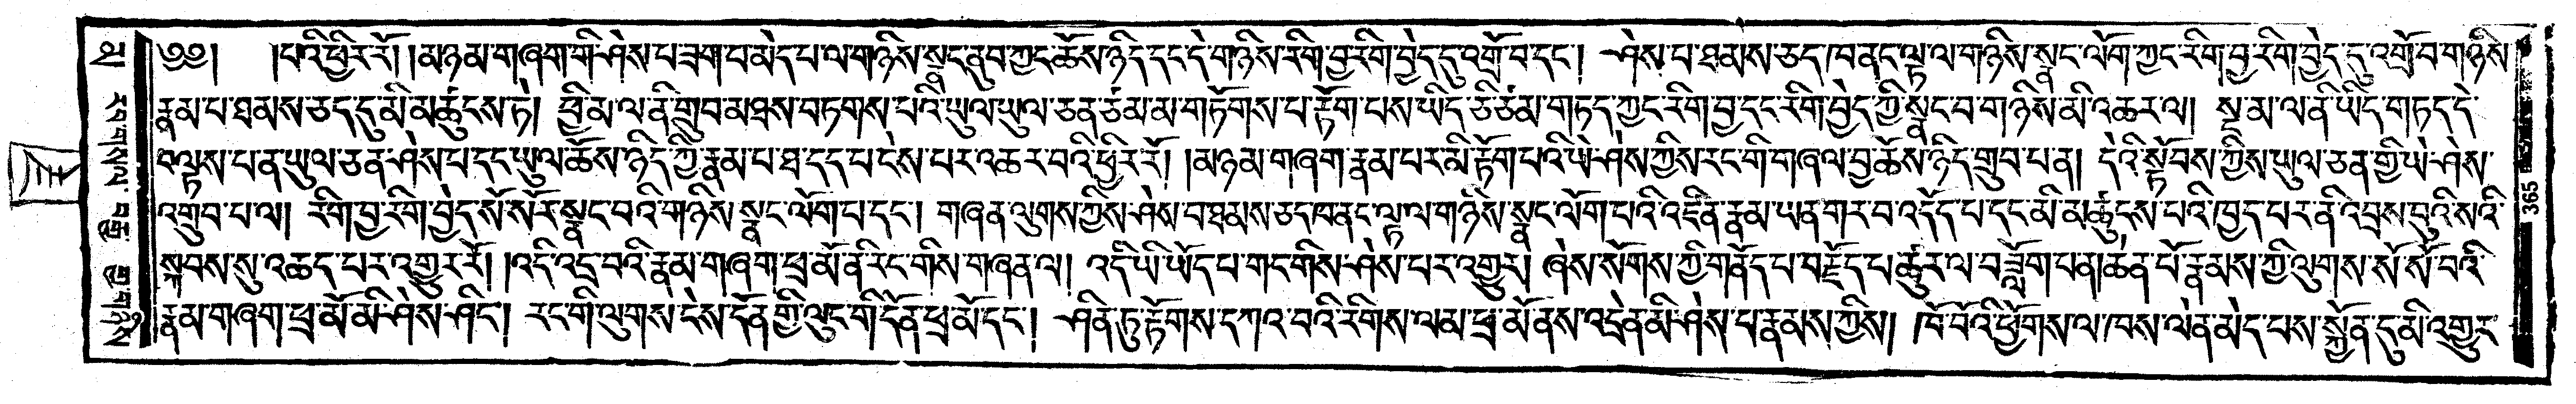༄༅། །པའི་ཕྱིར་རོ། །མཉམ་གཞག་གི་ཤེས་པ་ཟག་པ་མེད་པ་ལ་གཉིས་སྣང་ནུབ་ཀྱང་ཆོས་ཉིད་དང་དེ་གཉིས་རིག་བྱ་རིག་བྱེད་དུ་འགྲོ་བ་དང་། ཤེས་པ་ཐམས་ཅད་ཁ་ནང་ལྟ་ལ་གཉིས་སྣང་ལོག་ཀྱང་རིག་བྱ་རིག་བྱེད་དུ་འགྲོ་བ་གཉིས་
རྣམ་པ་ཐམས་ཅད་དུ་མི་མཚུངས་ཏེ། ཕྱི་མ་ལ་ནི་གྲུབ་མཐས་བཏགས་པའི་ཡུལ་ཡུལ་ཅན་ཙམ་མ་གཏོགས་པ་རྟོག་པས་ཡིད་ཅི་ཙམ་གཏད་ཀྱང་རིག་བྱ་དང་རིག་བྱེད་ཀྱི་སྣང་བ་གཉིས་མི་འཆར་ལ། སྔ་མ་ལ་ནི་ཡིད་གཏད་དེ་
བལྟས་པ་ན་ཡུལ་ཅན་ཤེས་པ་དང་ཡུལ་ཆོས་ཉིད་ཀྱི་རྣམ་པ་ཐ་དད་པ་ངེས་པར་འཆར་བའི་ཕྱིར་རོ། །མཉམ་གཞག་རྣམ་པར་མི་རྟོག་པའི་ཡེ་ཤེས་ཀྱིས་རང་གི་གཞལ་བྱ་ཆོས་ཉིད་གྲུབ་པ་ན། དེའི་སྟོབས་ཀྱིས་ཡུལ་ཅན་གྱི་ཡེ་ཤེས་
འགྲུབ་པ་ལ། རིག་བྱ་རིག་བྱེད་སོ་སོར་སྣང་བའི་གཉིས་སྣང་ལོག་པ་དང་། གཞན་ལུགས་ཀྱིས་ཤེས་པ་ཐམས་ཅད་ཁ་ནང་ལྟ་ལ་གཉིས་སྣང་ལོག་པའི་འཛིན་རྣམ་ཡན་གར་བ་འདོད་པ་དང་མི་མཚུངས་པའི་ཁྱད་པར་ནི་འབྲས་བུའི་སའི་
སྐབས་སུ་འཆད་པར་འགྱུར་རོ། །འདི་འདྲ་བའི་རྣམ་གཞག་ཕྲ་མོ་ནི་རང་གིས་གཞན་ལ། འདི་ཡི་ཡོད་པ་གང་གིས་ཤེས་པར་འགྱུར། ཞེས་སོགས་ཀྱི་གནོད་པ་བརྗོད་པ་ཚུར་ལ་བཟློག་པ་ན། ཆེན་པོ་རྣམས་ཀྱི་ལུགས་སོ་སོ་བའི་
རྣམ་གཞག་ཕྲ་མོ་མི་ཤེས་ཤིང་། རང་གི་ལུགས་ངེས་དོན་གྱི་ལུང་གི་དོན་ཕྲ་མོ་དང་། ཤིན་ཏུ་རྟོགས་དཀའ་བའི་རིགས་ལམ་ཕྲ་མོ་ནས་འདྲེན་མི་ཤེས་པ་རྣམས་ཀྱིས། ཁོ་བོའི་ཕྱོགས་ལ་ཁས་ལེན་མེད་པས་སྐྱོན་དུ་མི་འགྱུར་